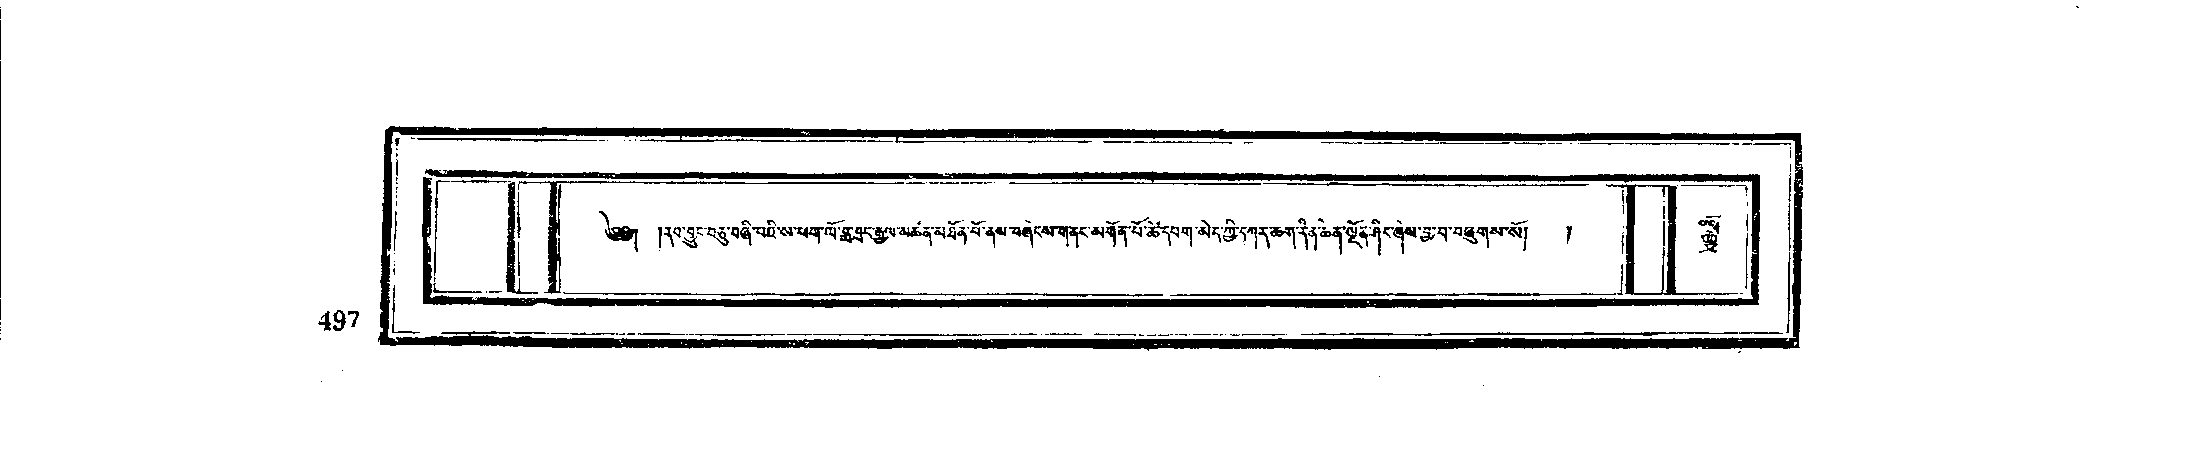༄༅། །རབ་བྱུང་བཅུ་བཞི་པའི་ས་ཕག་ལོ་བླ་བྲང་རྒྱལ་མཚན་མགོན་པོ་ནས་བཞེངས་གནང་མགོན་པོ་ཚེ་དཔག་མེད་ཀྱི་དཀར་ཆག་རིན་ཆེན་ལྗོན་ཤིང་ཞེས་བྱ་བ་བཞུགས་སོ། །